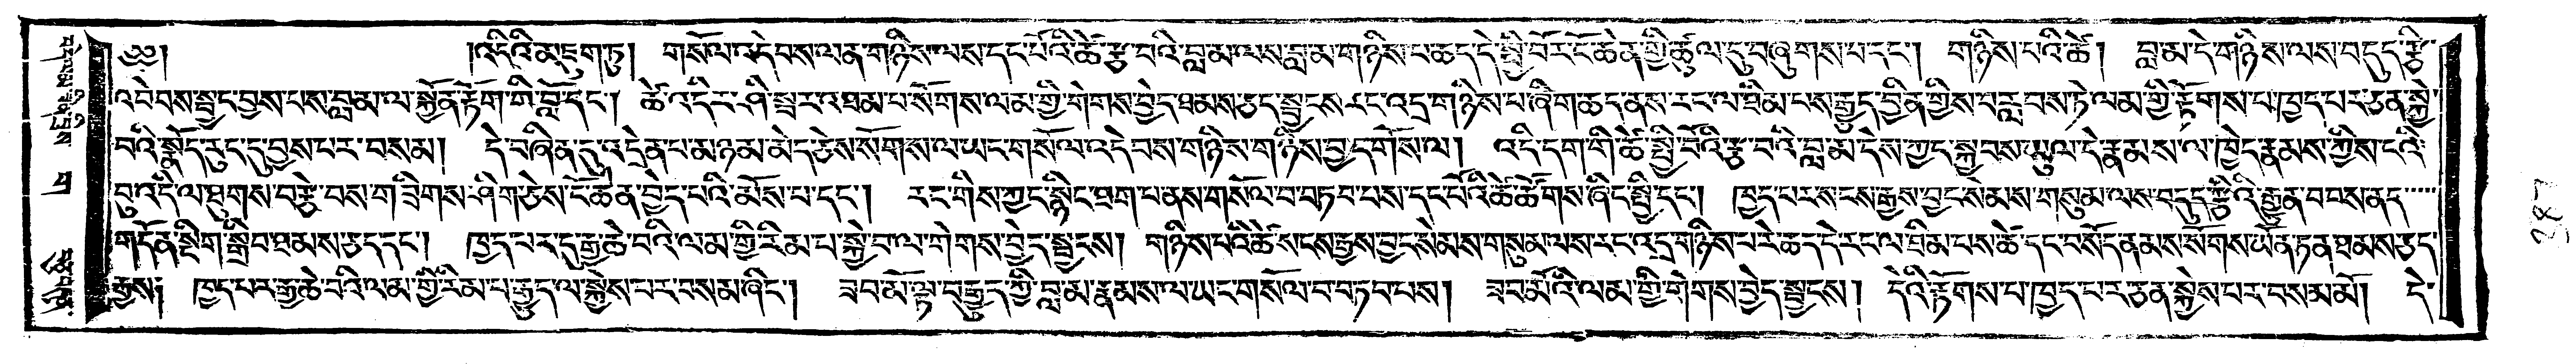༄༅། །འདིའི་མཇུག་ཏུ། གསོལ་འདེབས་ལན་གཉིས་ལས་དང་པོའི་ཚེ་རྩ་བའི་བླ་མ་ལས་བླ་མ་གཉིས་པ་ཆད་དེ་སྤྱི་བོར་ངོ་ཆེན་གྱི་ཚུལ་དུ་བཞུགས་པ་དང་། གཉིས་པའི་ཚེ། བླ་མ་དེ་གཉིས་ལས་བདུད་རྩི་
འབེབས་སྦྱང་བྱས་པས་བླ་མ་ལ་སྐྱོན་རྟོག་གི་བློ་དང་། ཚེ་འདིར་ཤིས་བར་འཐམ་པ་སོགས་ལམ་གྱི་གེགས་བྱེད་ཐམས་ཅད་སྦྱངས་རང་འདྲ་གཉིས་པ་ཞིག་ཆད་ནས་རང་ལ་ཐིམ་པས་རྒྱུད་བྱིན་གྱིས་བརླབས་ཏེ་ལམ་གྱི་རྟོགས་པ་ཁྱད་པར་ཅན་སྐྱེ་
བའི་སྣོད་རུང་དུ་བྱས་པར་བསམ། དེ་བཞིན་དུ་འདྲེན་པ་མཉམ་མེད་ཅེས་སོགས་ལ་ཡང་གསོལ་འདེབས་གཉིས་གཉིས་བྱ་དགེས་ལ། འདི་དག་གི་ཚེ་སྤྱི་བོའི་རྩ་བའི་བླ་མ་དེས་ཀྱང་སྐྱབས་ཡུལ་དེ་རྣམས་ལ་ཁྱེད་རྣམས་ཀྱིས་ངའི་
བུ་འདི་ལ་ཐུགས་བརྩེ་བས་གཟིགས་ཤིག་ཅེས་ངོ་ཆེན་བྱེད་པའི་མོས་པ་དང་། རང་གིས་ཀྱང་སྙིང་ཐག་པ་ནས་གསོལ་བ་བཏབ་པས་དང་པོའི་ཆེ་ཚོགས་ཞིང་སྤྱི་དང་། ཁྱད་པར་སངས་རྒྱས་བྱང་སེམས་གསུམ་ལས་བདུད་རྩིའི་རྒྱུན་བབས་ནད་
གདོན་སྡིག་སྒྲིབ་ཐམས་ཅད་དང་། ཁྱད་པར་དུ་རྒྱ་ཆེ་བའི་ལམ་གྱི་རིམ་པ་སྐྱེ་བ་ལ་གེགས་བྱེད་སྦྱངས། གཉིས་པའི་ཚེ་སངས་རྒྱས་བྱང་སེམས་གསུམ་ལས་རང་འདྲ་གཉིས་པ་རེ་ཆད་དེ་རང་ལ་ཐིམ་པས་ཚེ་དང་བསོད་ནམས་སོགས་ཡོན་ཏན་ཐམས་ཅད་
རྒྱས༑ ཁྱད་པར་རྒྱ་ཆེ་བའི་ལམ་གྱི་རིམ་པ་རྒྱུད་ལ་སྐྱེས་པར་བསམ་ཞིང་། ཟབ་མོ་ལྟ་བརྒྱུད་ཀྱི་བླ་མ་རྣམས་ལ་ཡང་གསོལ་བ་བཏབ་པས། ཟབ་མོའི་ལམ་གྱི་གེགས་བྱེད་སྦྱངས། དེའི་རྟོགས་པ་ཁྱད་པར་ཅན་སྐྱེས་པར་བསམ་མོ། དེ་